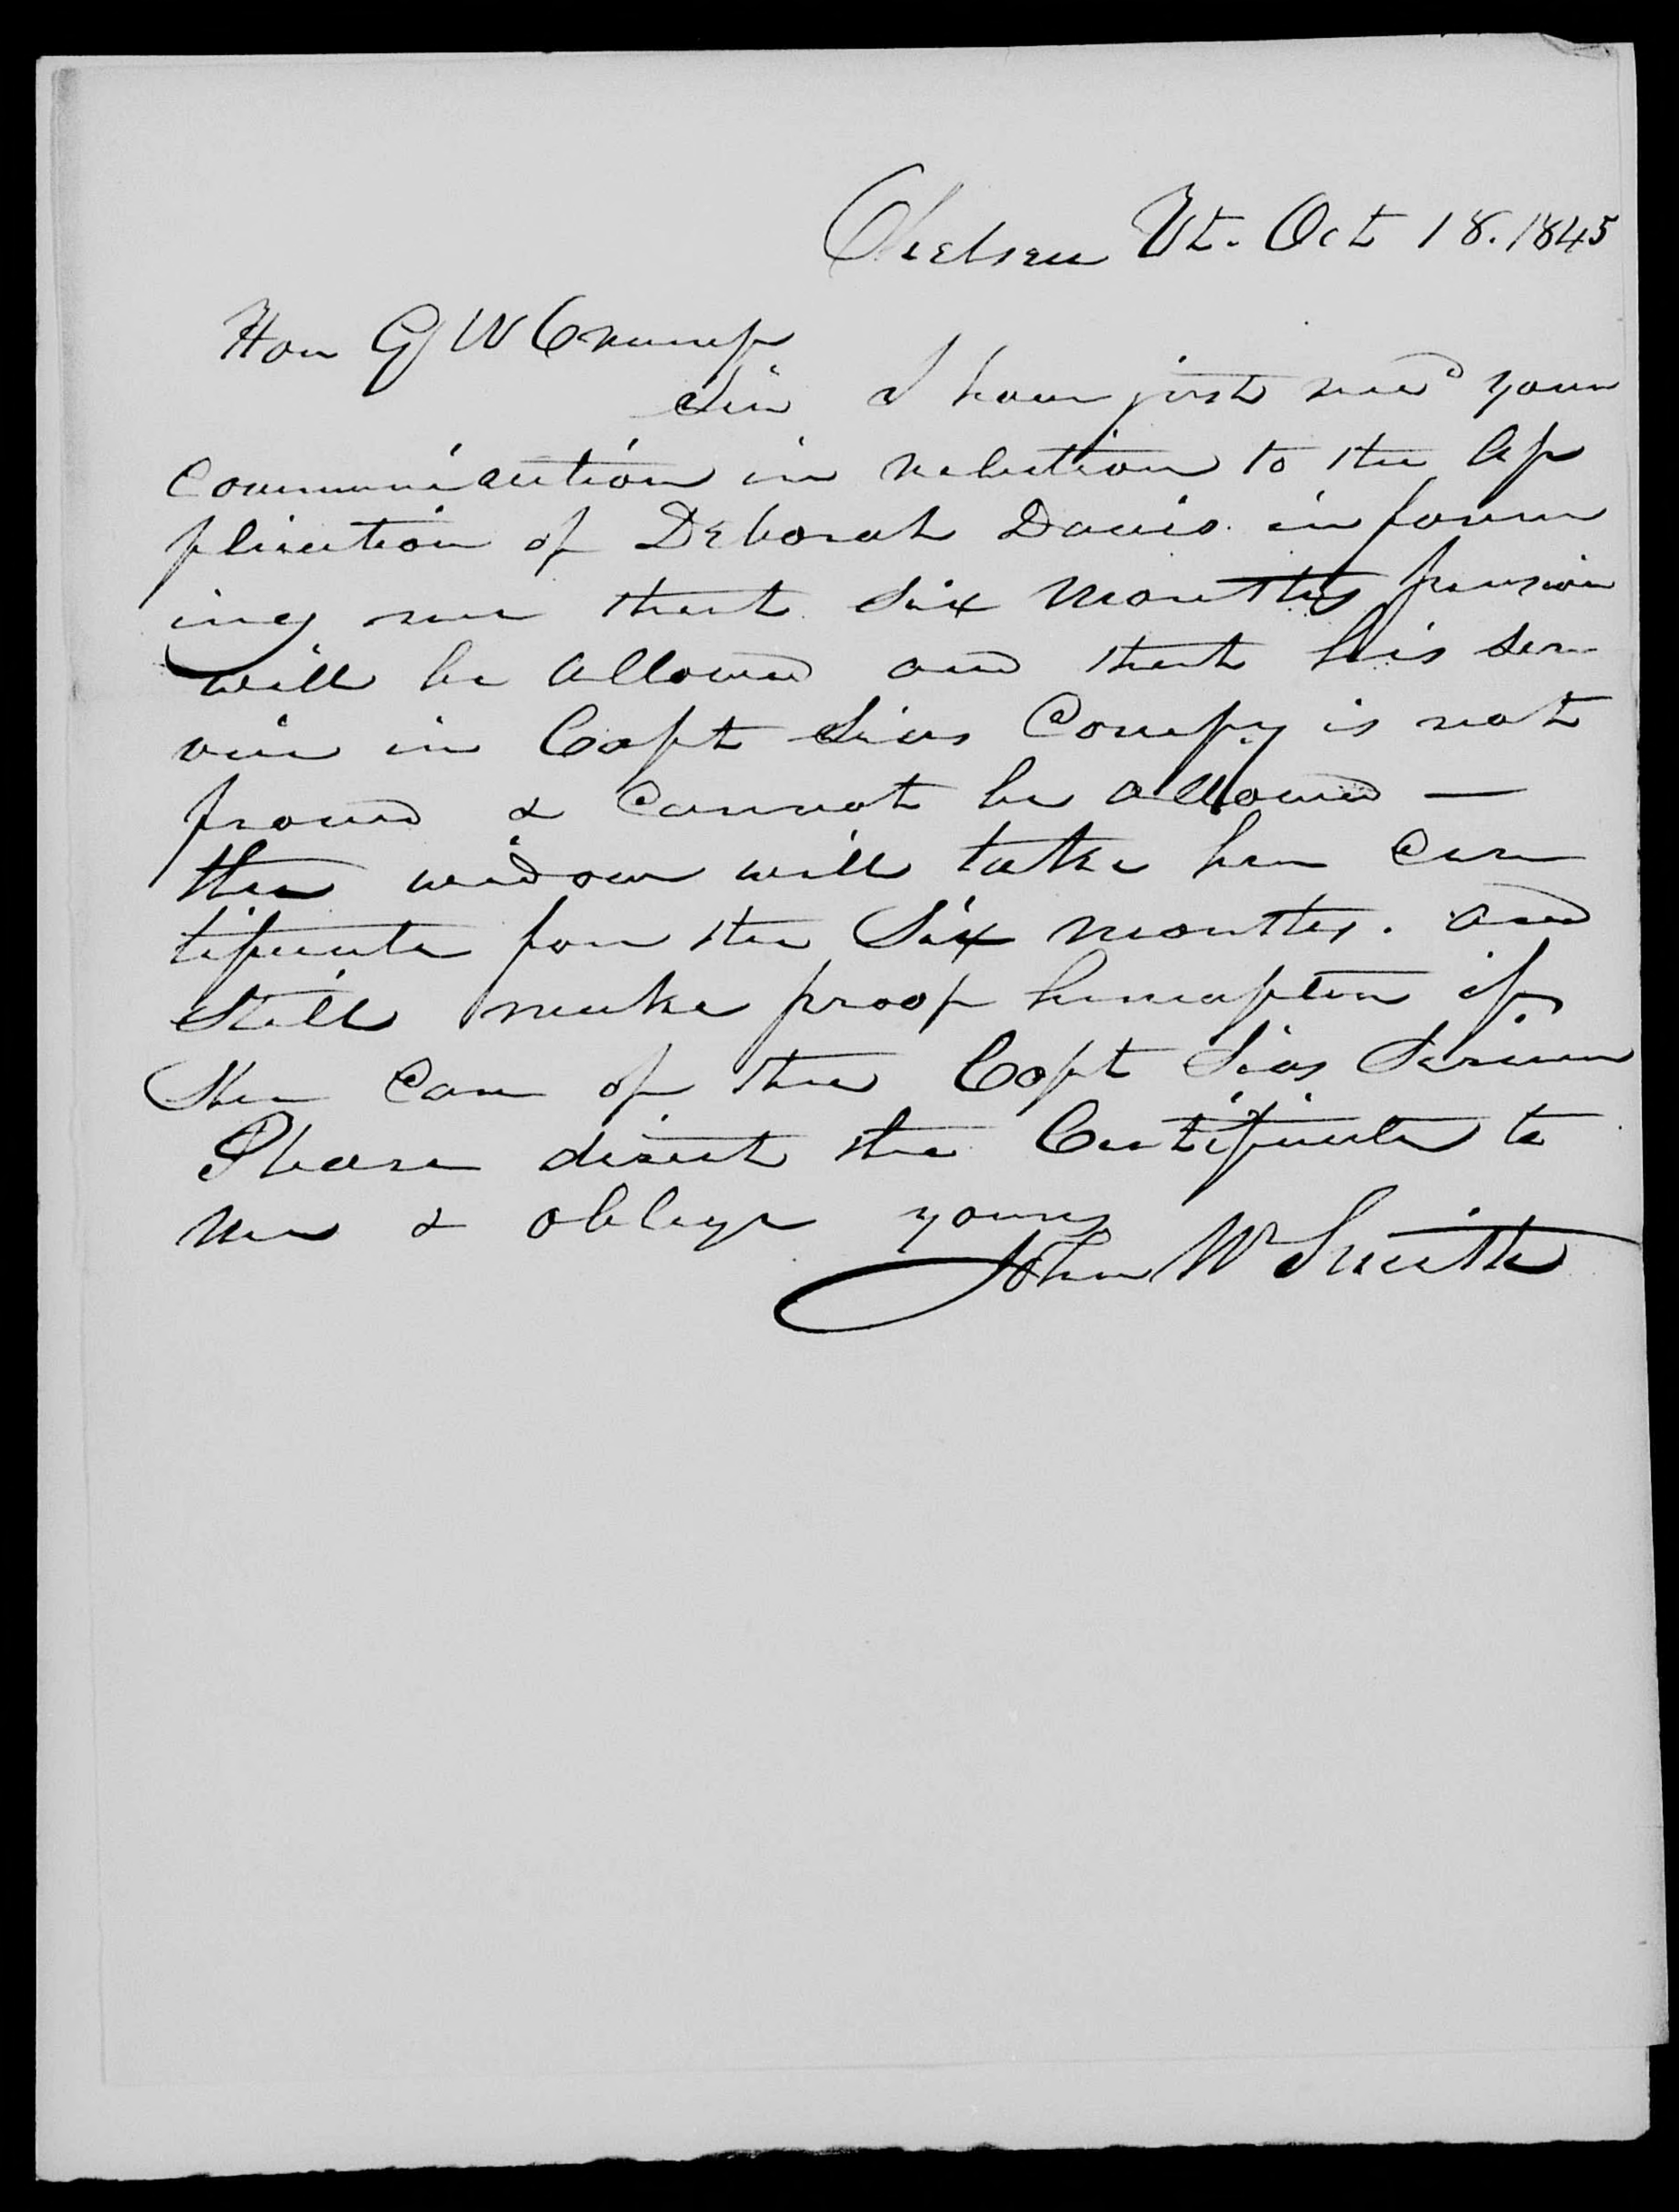Chelsea Vt. Oct 18. 1845
Hon G W Crump
Sir, I have first recd [received] your communication in relation to the application of Deborah Davis informing me that six months pension will be allowed and that his service in Capt Sias Compy is not found and cannot be allowed - the widow will take her certificate for the Six months. and Still make proof hereafter if She can of the Capt Sias Service
Please direct the Certificate to me and oblige
John W Smith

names: Deborah Davis, John W Smith, G W Crump, Sias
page: 39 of 47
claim: widow's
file: W. 24043, Jacob Davis, N.H.